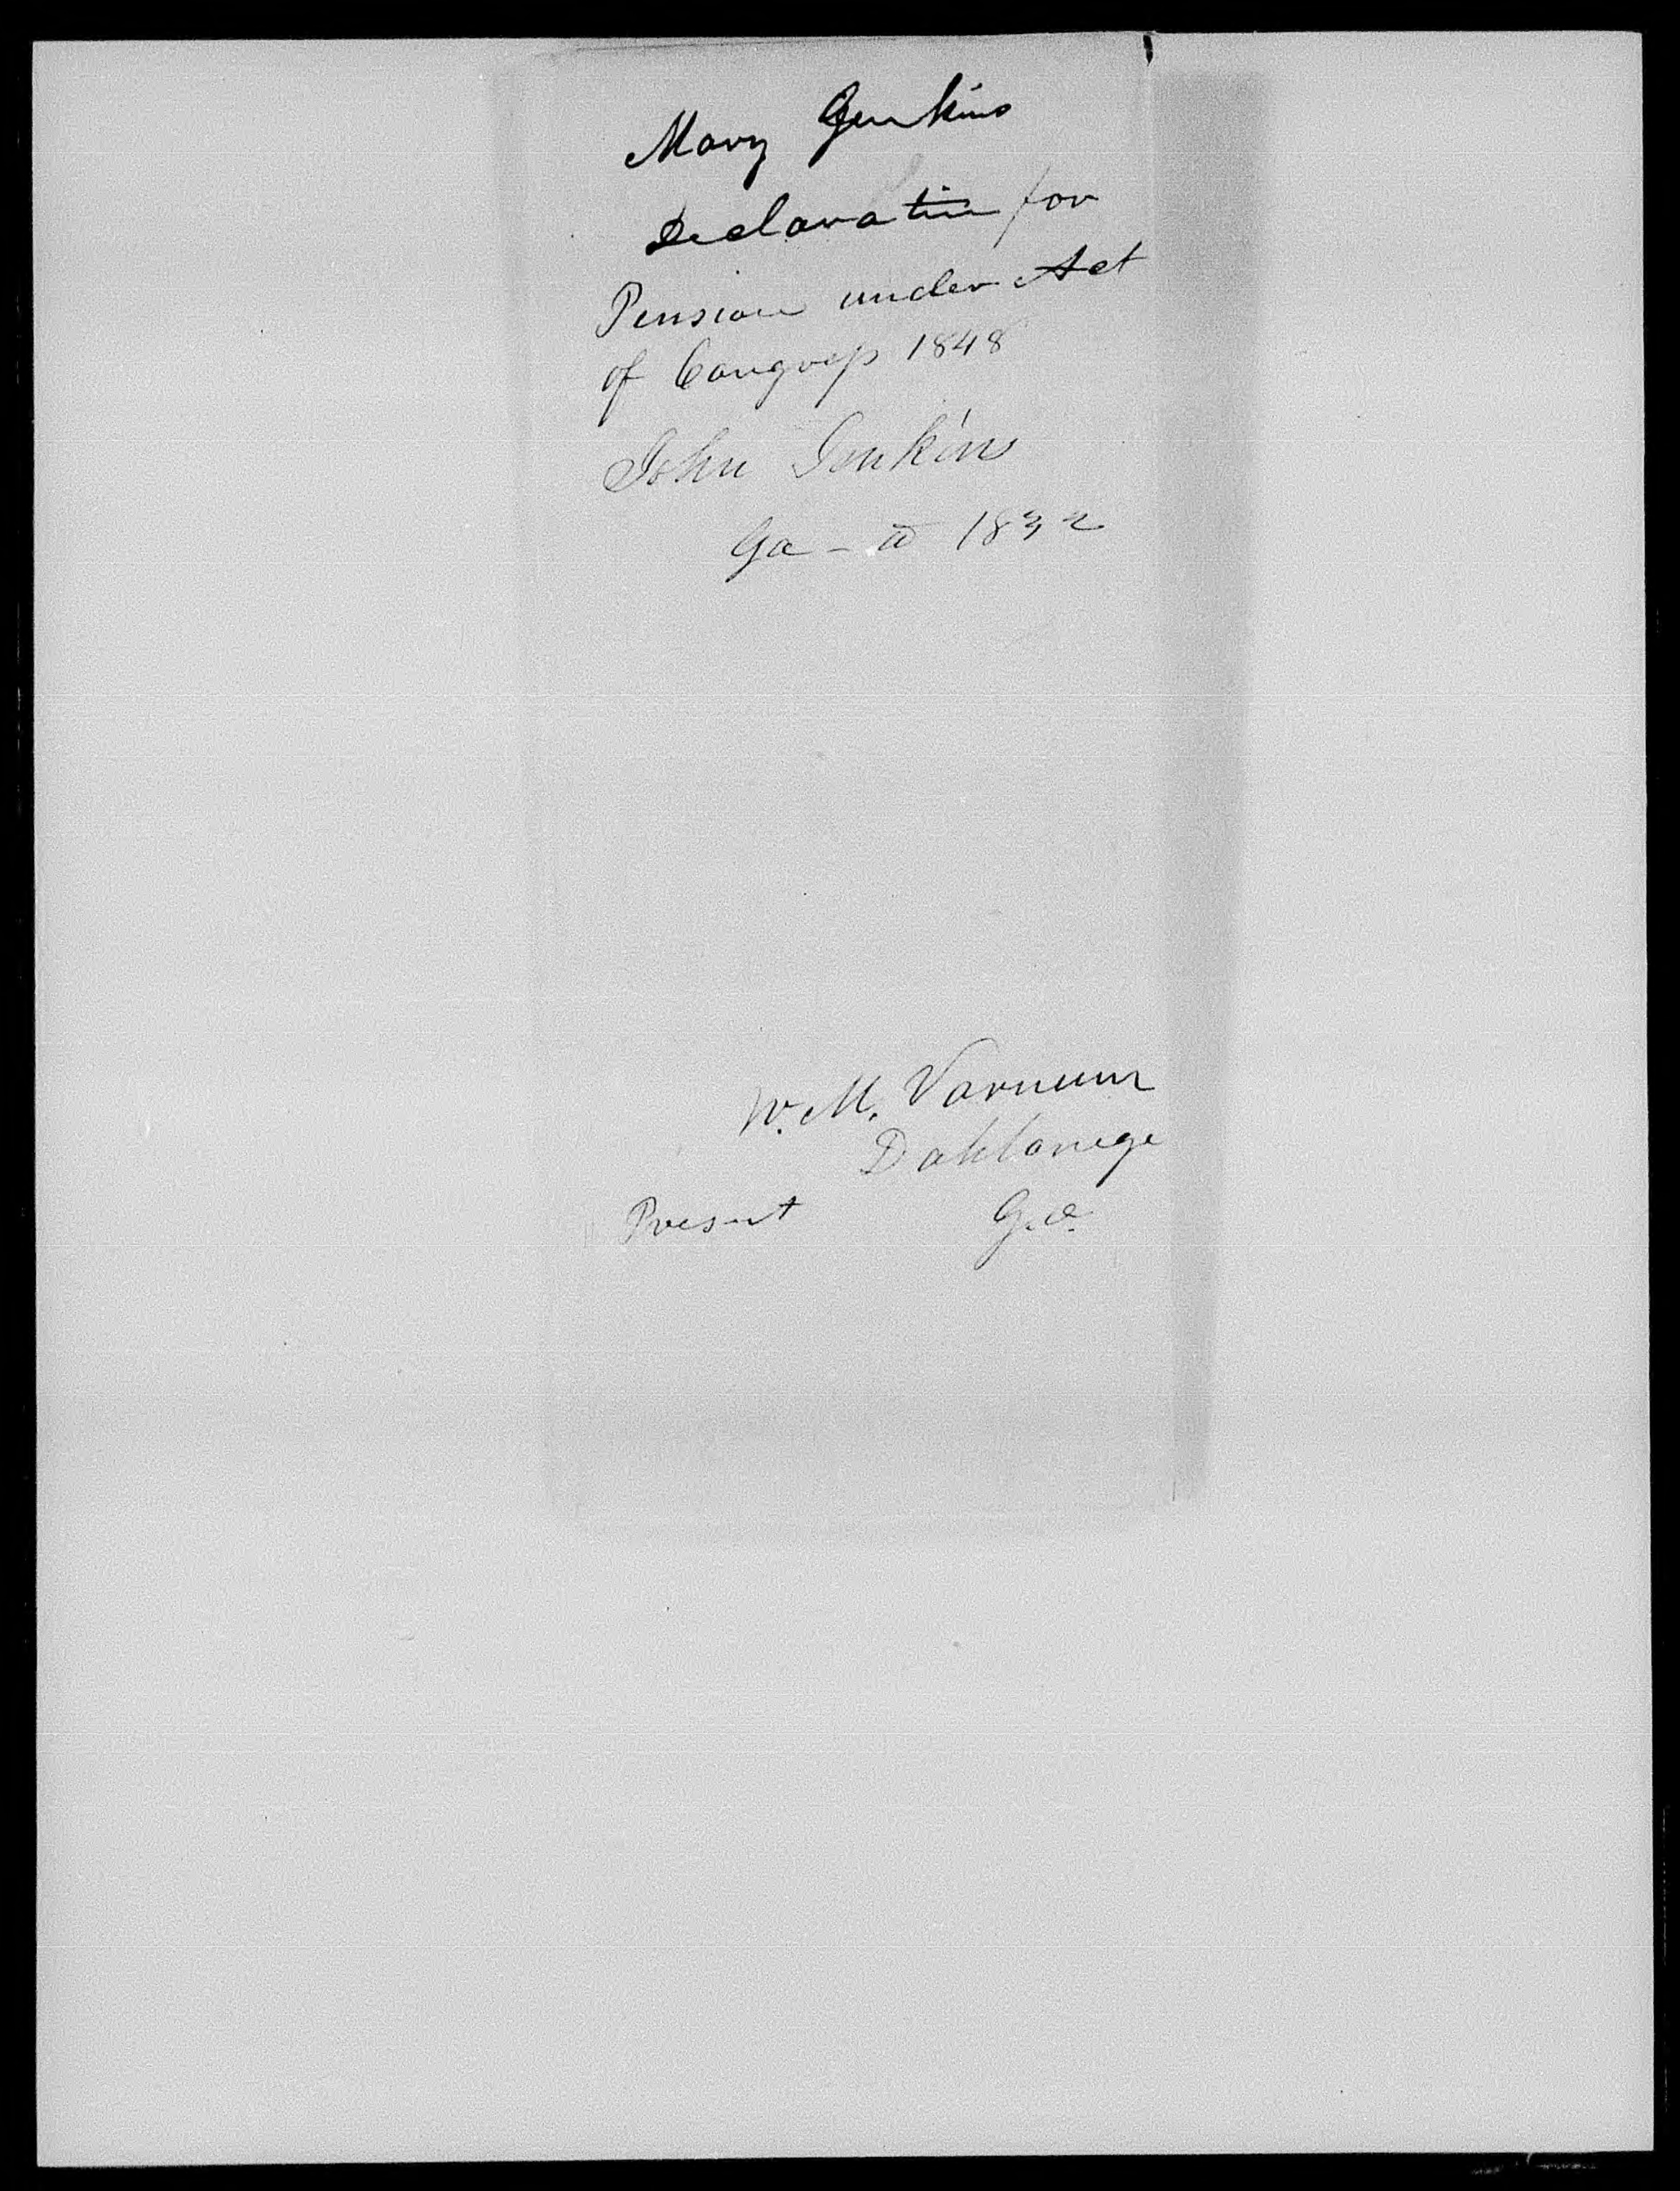Mary Jenkins
Declaration for
Pension under Act
of Congress 1848
John Jenkins
Ga- to 1832
W. M. Varnum
Dahlonege [Dahlonega]
Present
Geo.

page: 10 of 55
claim: widow's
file: W. 7894, for John Jenkins, Virginia